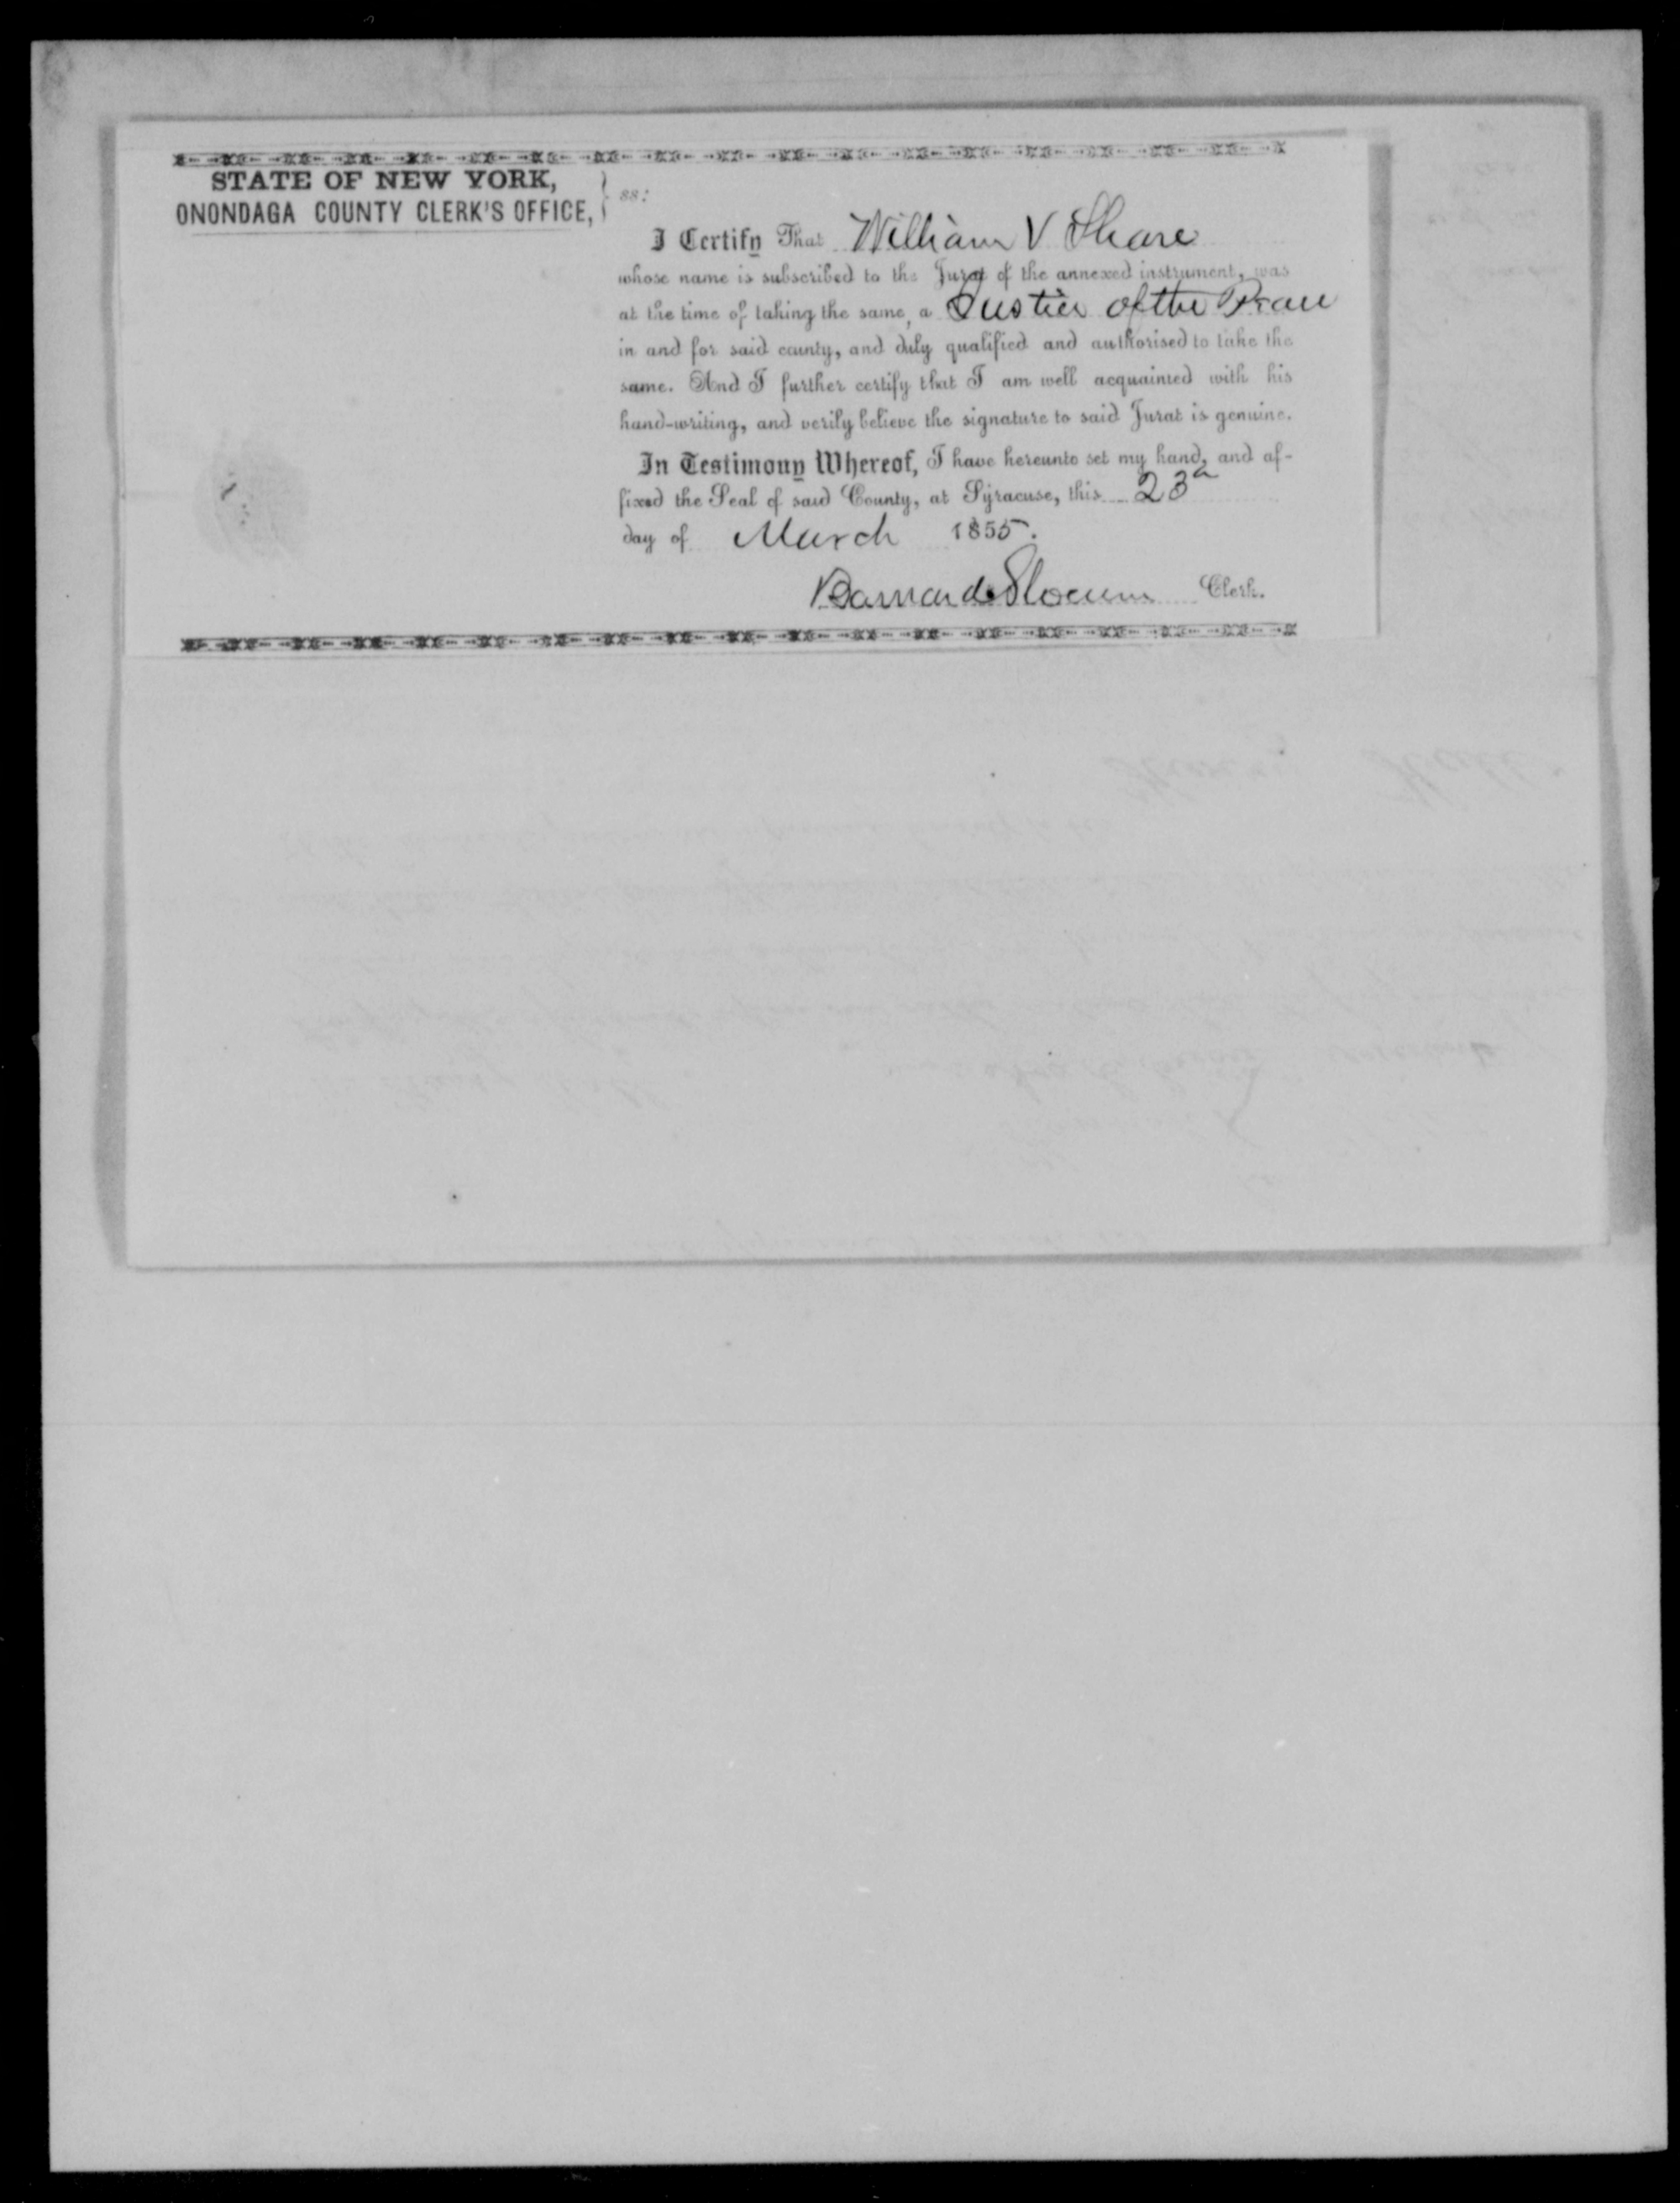STATE OF NEW YORK}
ONANDAGA COUNTY CLERK'S OFFICE}88

I Certify That William V Share whose name is subscribed to the Jurat of the annexed instrument, was at the time of taking the same, a Justice of the Peace in and for said county, and duly qualified and authorized to take the same. And I further certify that I am well acquainted with his hand-writing, and verily believe the signature to said Jurat is genuine.

In Testimony Whereof, I have hereunto set my hand, and affixed the Seal of said County, at Syracuse, this 23rd day of March 1855.

Barnard Slocum Clerk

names: Barnard Slocum, William V Share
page: 31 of 63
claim: widow's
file: W. 18403, David White, Conn.